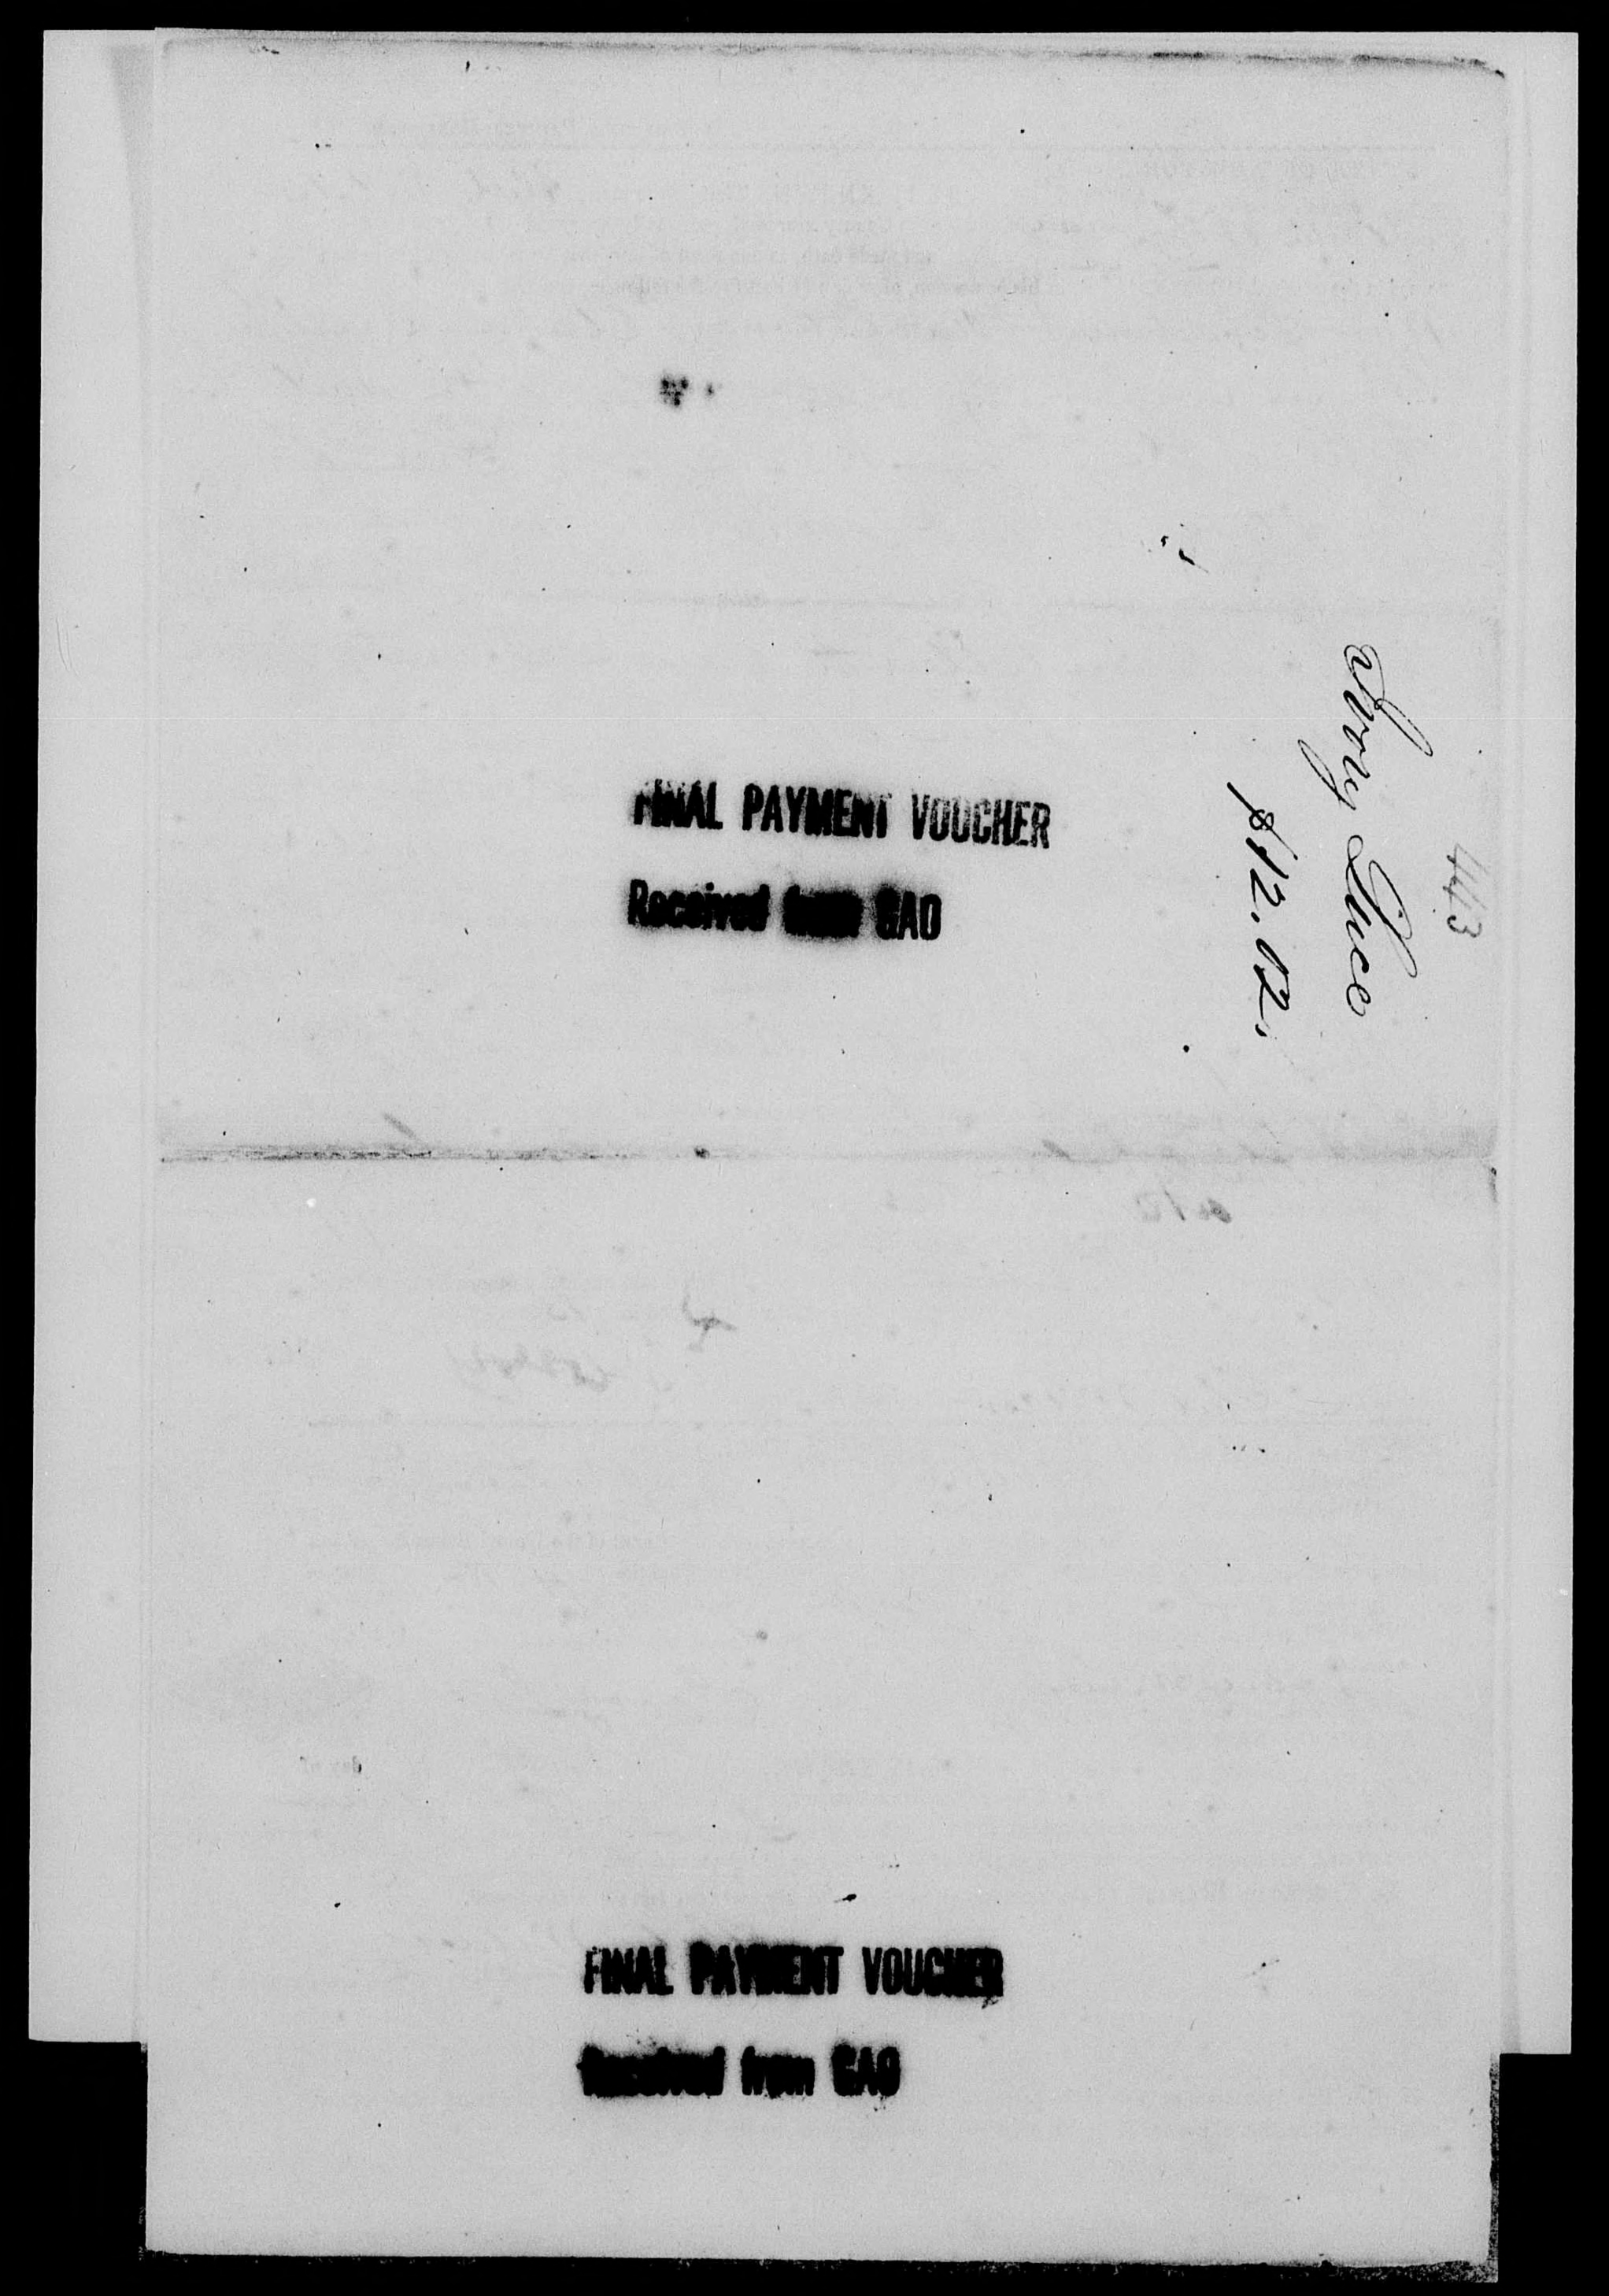443
Ivory Luce
$12.02

FINAL PAYMENT VOUCHER 
Received from GAO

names: Ivory Luce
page: 49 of 70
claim: rejected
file: R. 6510, for Israel Luce, New York